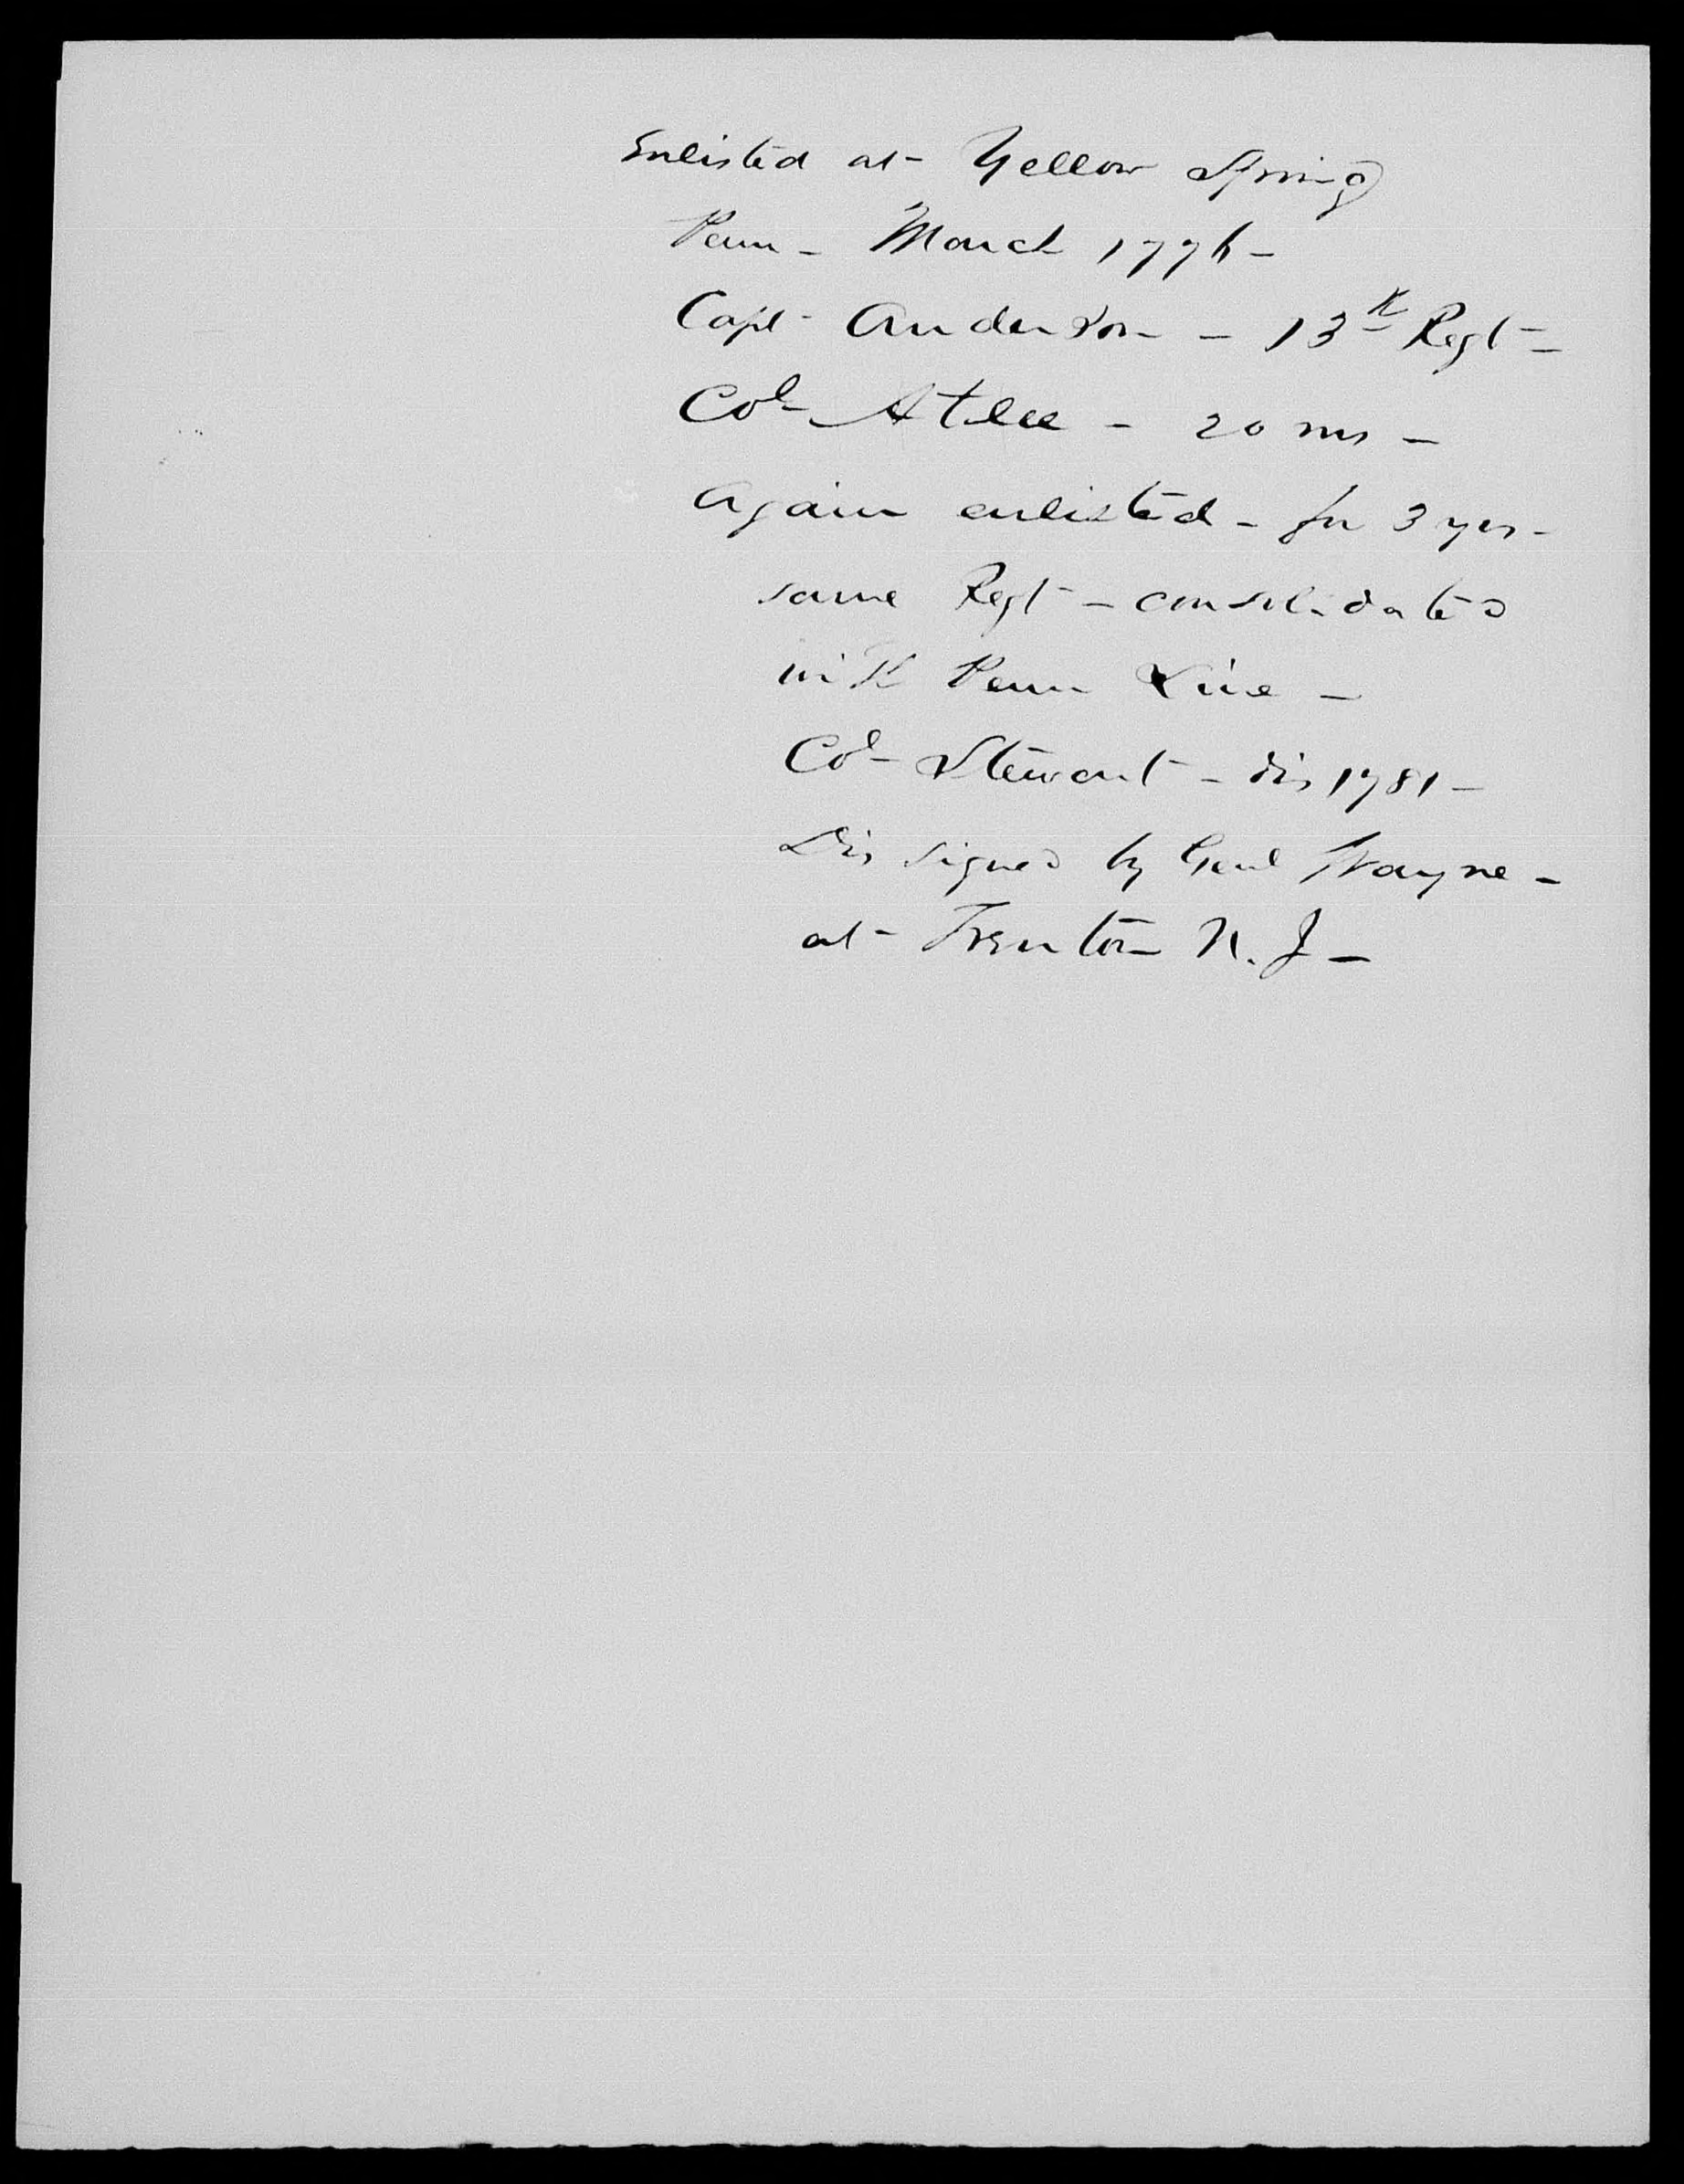Enlisted at Yellow Spring
Penn - March 1776-
Capt Anderson 13th Regt
Col Atlee - 20 mo -
again enlisted for 3 yrs
same Regt. con solder to 
with Penn Line -
Col Stewart - is 1781
Dis Signed by Genl Wayne
at Trenton N.J.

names: Stewart, Wayne, Anderson, Atlee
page: 59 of 74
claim: widow's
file: W. 9422, James Edgar, Penn.